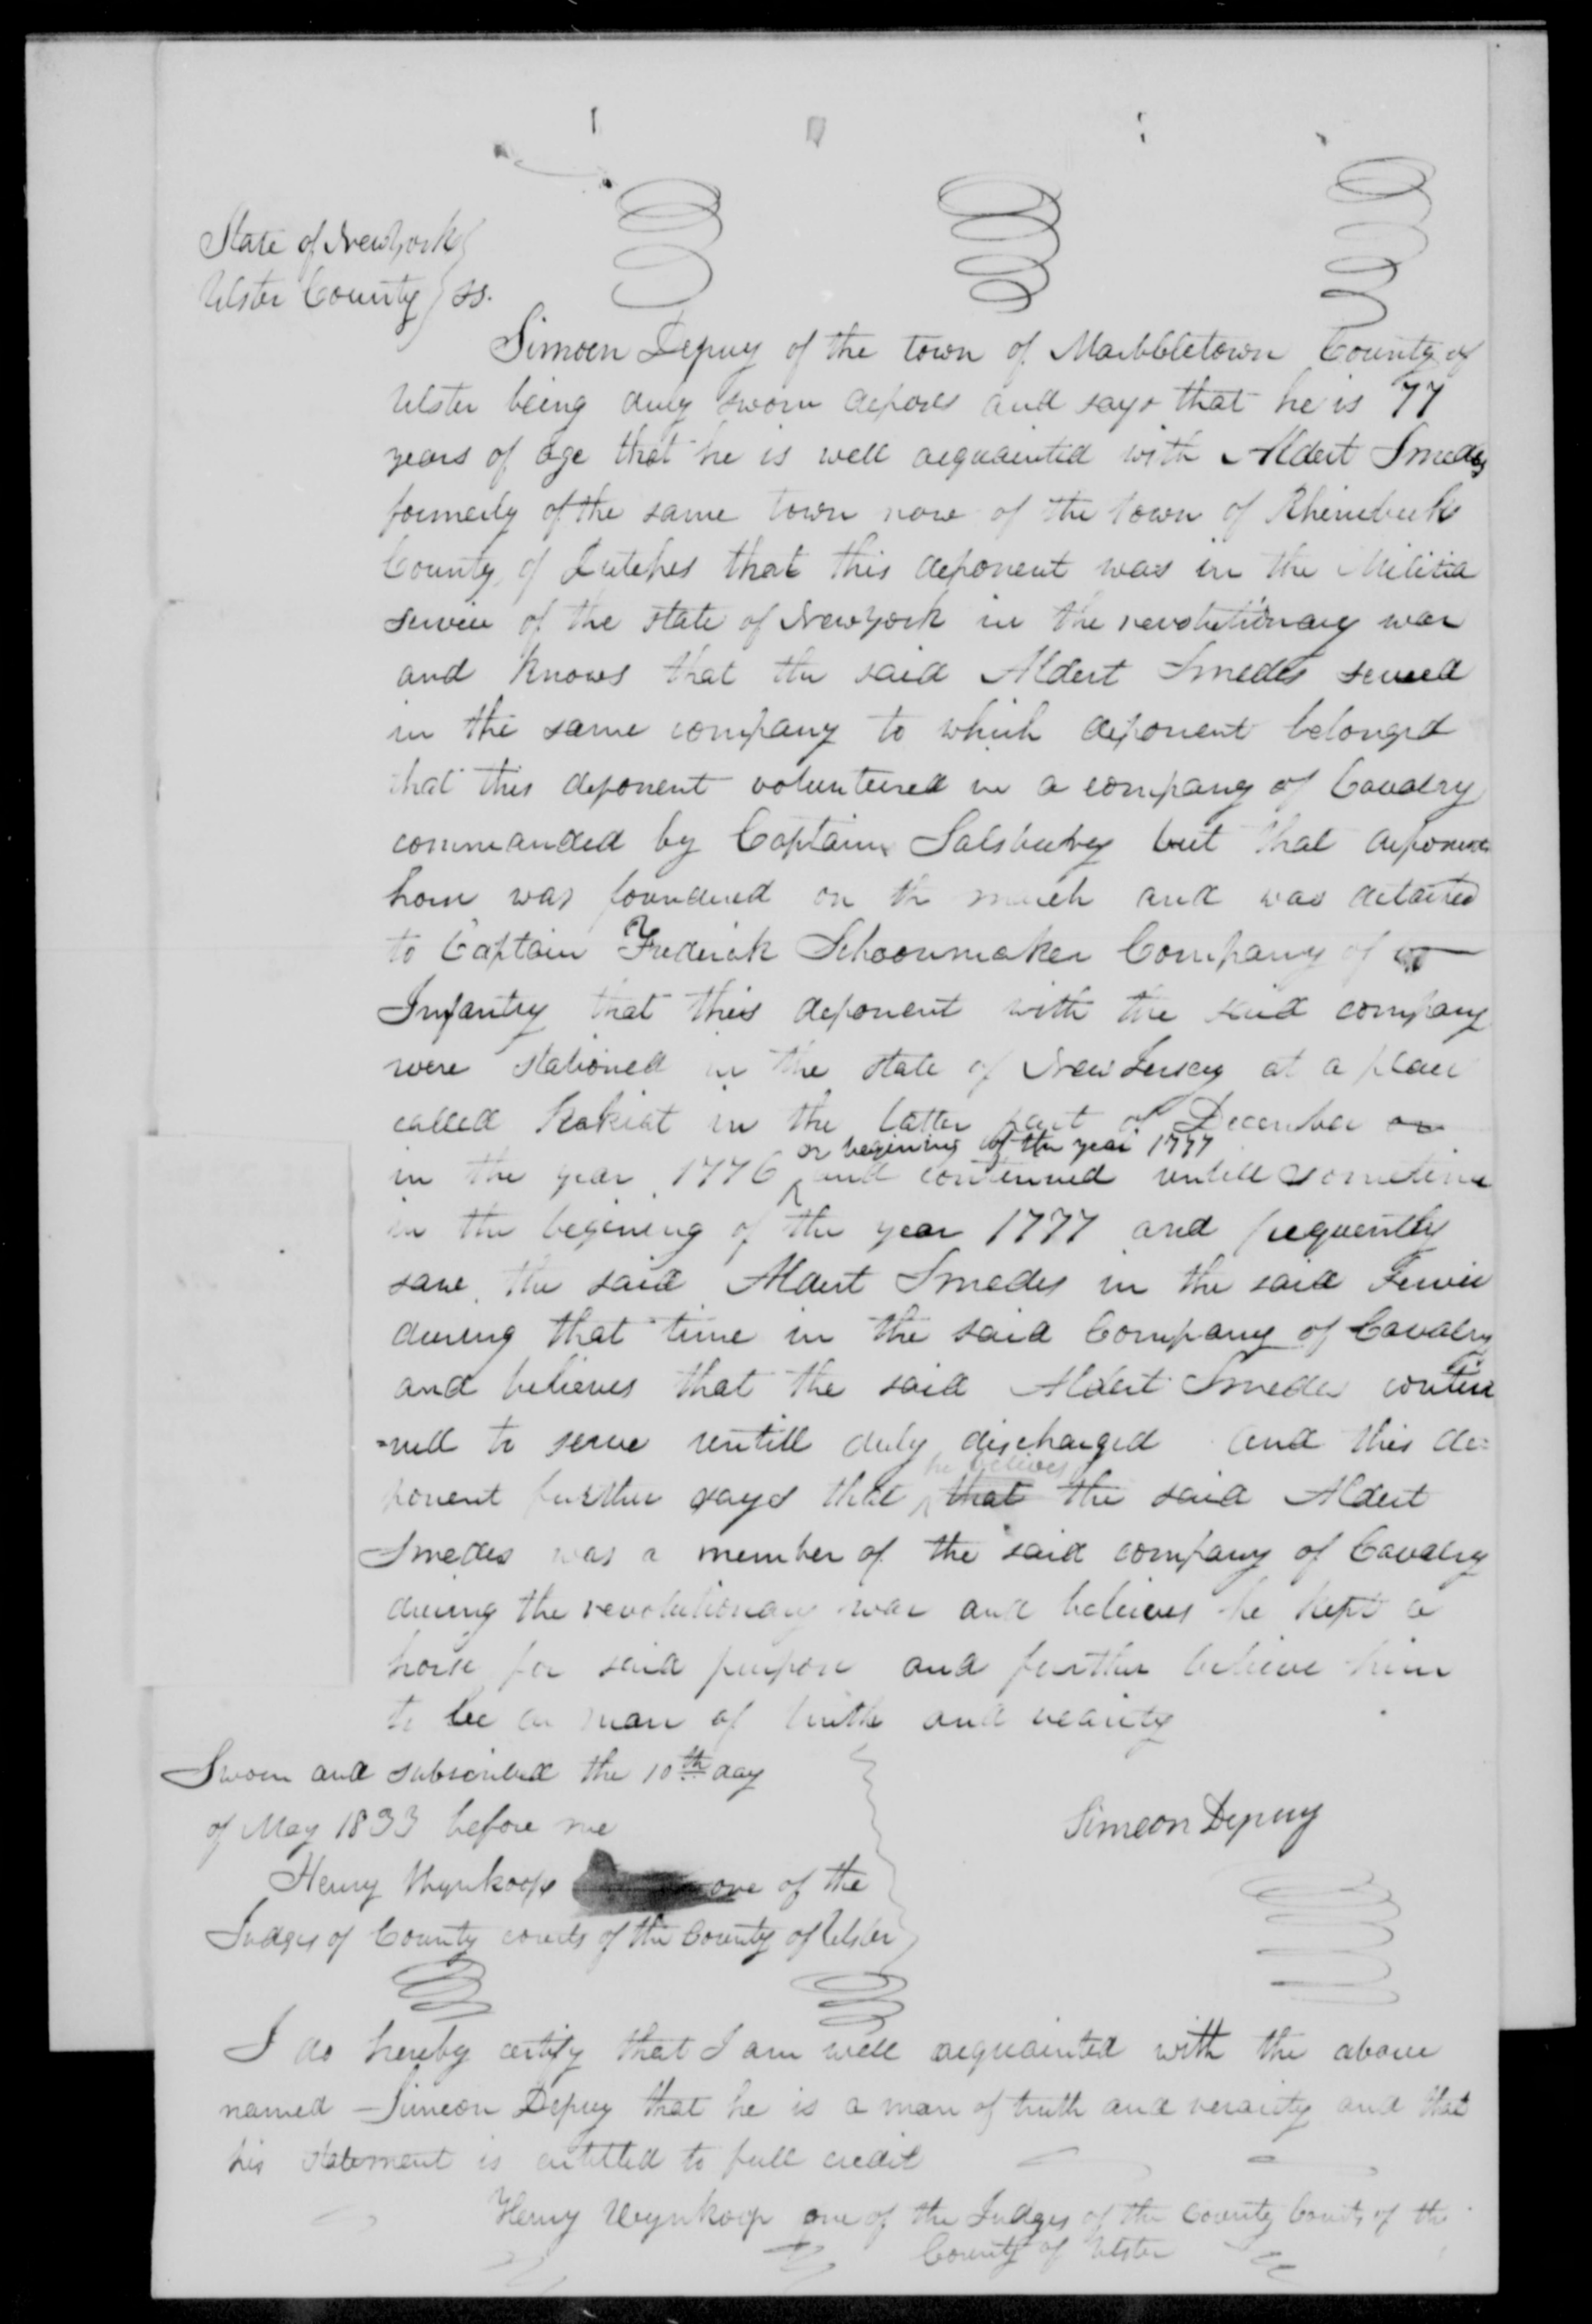State of New York
Ulster County} Ss.

Simeon Depuy of the town of Marbletown County of Ulster being duly sworn deposes and says that he is 77 years of age that he is well acquainted with Aldert Smedes formerly of the same town now of the town of Rhinebeck County of Dutches that this deponent was in the Militia Service of the state of New York in the revolutionary war and knows that the said Aldert Smedes served in the same company to which deponent belonged that this deponent volunteered in a company of Cavalry commanded by Captain Salsbury [Salisbury] but that deponents horse was foundered on the march and was detailed to Captain Frederick Schoonmaker Company of Infantry that this deponent with the said company were stationed in the state of New Jersey at a place called Kakiat in the latter part of December in the year 1776 or beginning of the year 1777 and continued untill sometime in the beginning of the year 1777 and frequently saw the said Aldert Smedes in the said Service during that time in the said Company of Cavalry and believes that the said Aldert Smedes continued to serve untill duly discharged and this deponent further says that he believes [struck through:  that] the said Aldert Smedes was a member fo the said company of Cavalry during the revolutionary war and believes he kept a horse for said purpose and further believes him to be a man of truth and veracity

Simeon Depuy

Sworn and subscribed the 10th day of May 1833 before me 
Henry Wynkoop one of the Judges of County courts of the County of Ulster

I do hereby certify that I am well acquainted with the above named Simeon Depuy that he is a man of truth and veracity and that his statement is entitled to full credit
Henry Wynkoop one of the Judges of the County Courts of the County of Ulster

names: Frederick Schoonmaker; Aldert Smedes; Simeon Depuy; [BLANK] Salsbury; Henry Wynkoop; Aldert Smedes; Aldert Smedes; Aldert Smedes; Henry Wynkoop; Aldert Smedes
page: 11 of 29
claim: survivor's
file: S. 11415, for Aldert Smedes, New York